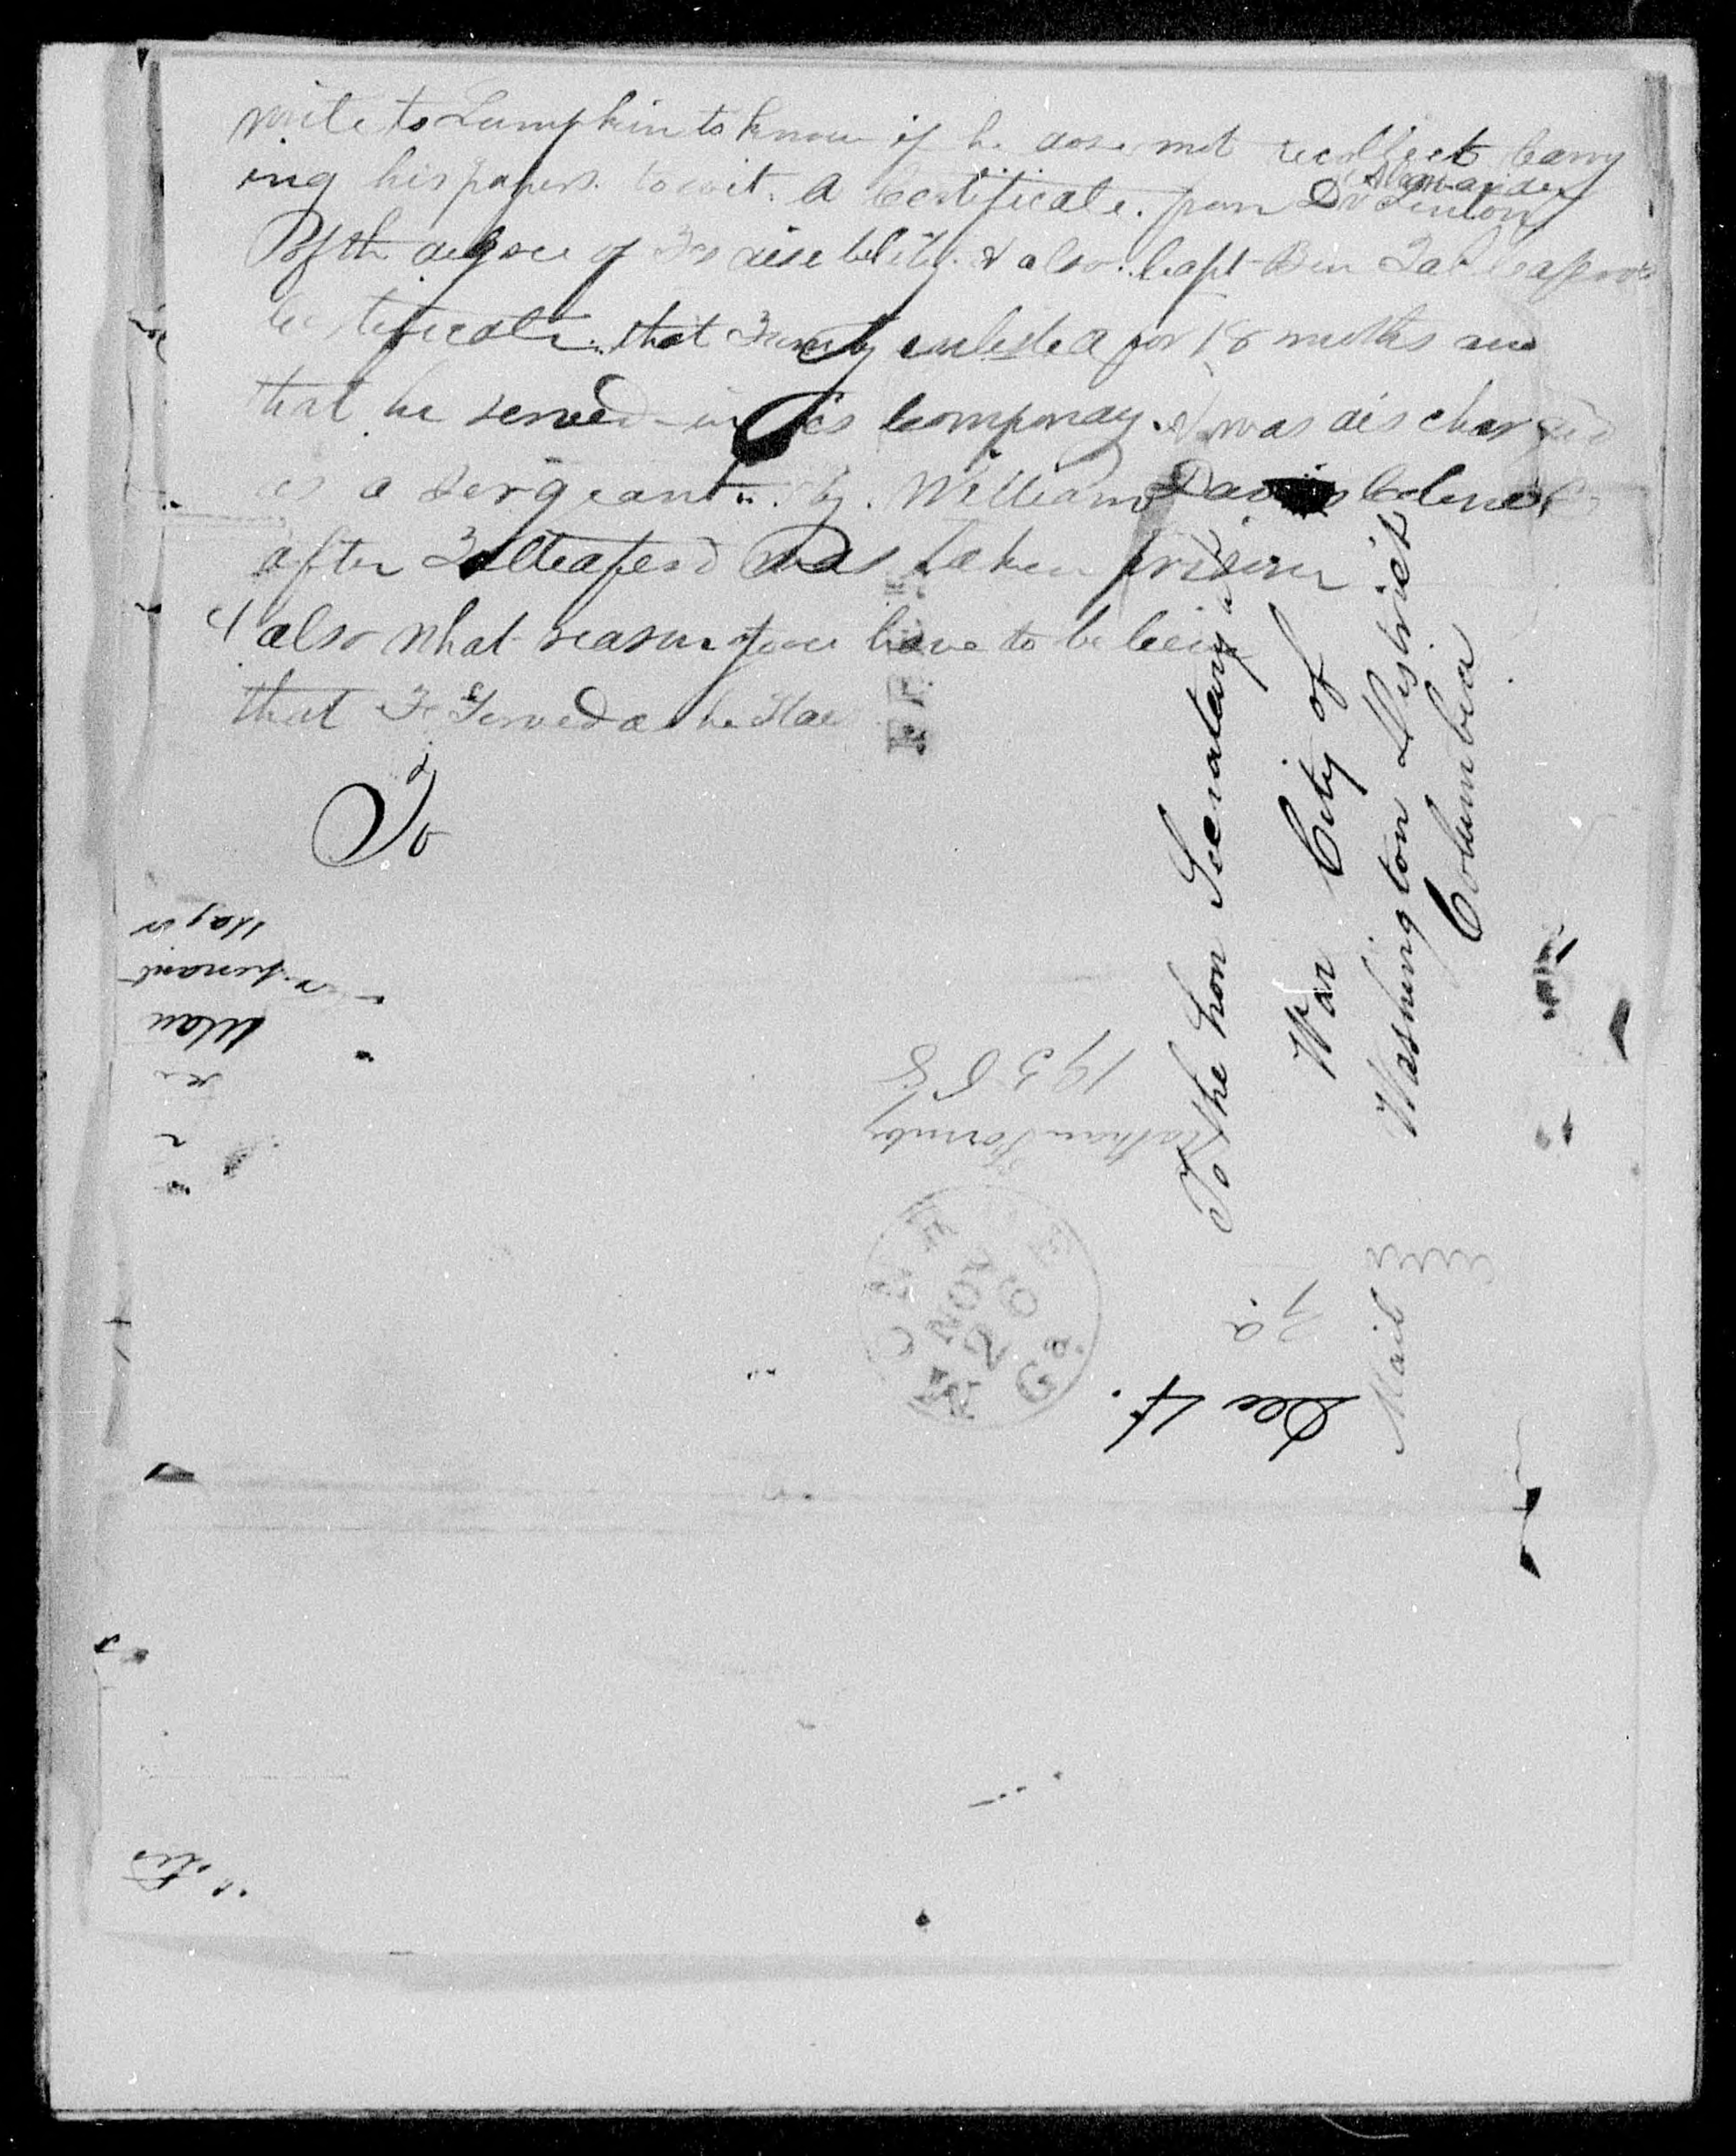write to Lumpkin to know if he does not recollect carrying his papers to wit, a Certificate, from Dr. Alexander Lenton of the degree of his disability & also Capt Ben Talleafero Certificate that Formby enlisted for 18 months and that he served in his company & was discharged as a Sergeant by William Davis Cline after Talleafero was taken prisoner also what reason you have to be believe that 
he served as he states.
[stamp] FREE

To

To the hon Secratary [sic]  of War 
City of Washington District Columbia

[stamp] MONROE Ga. NOV 26

Mail}

Dec 4
Ga.

Nathan Formby
19568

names: Ben Talliaferro, William Davis, Alexander Lenton, Nathan Formby, Lumpkin, F Gerveda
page: 8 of 54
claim: widow's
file: W. 3794, Nathan Formby, Va.